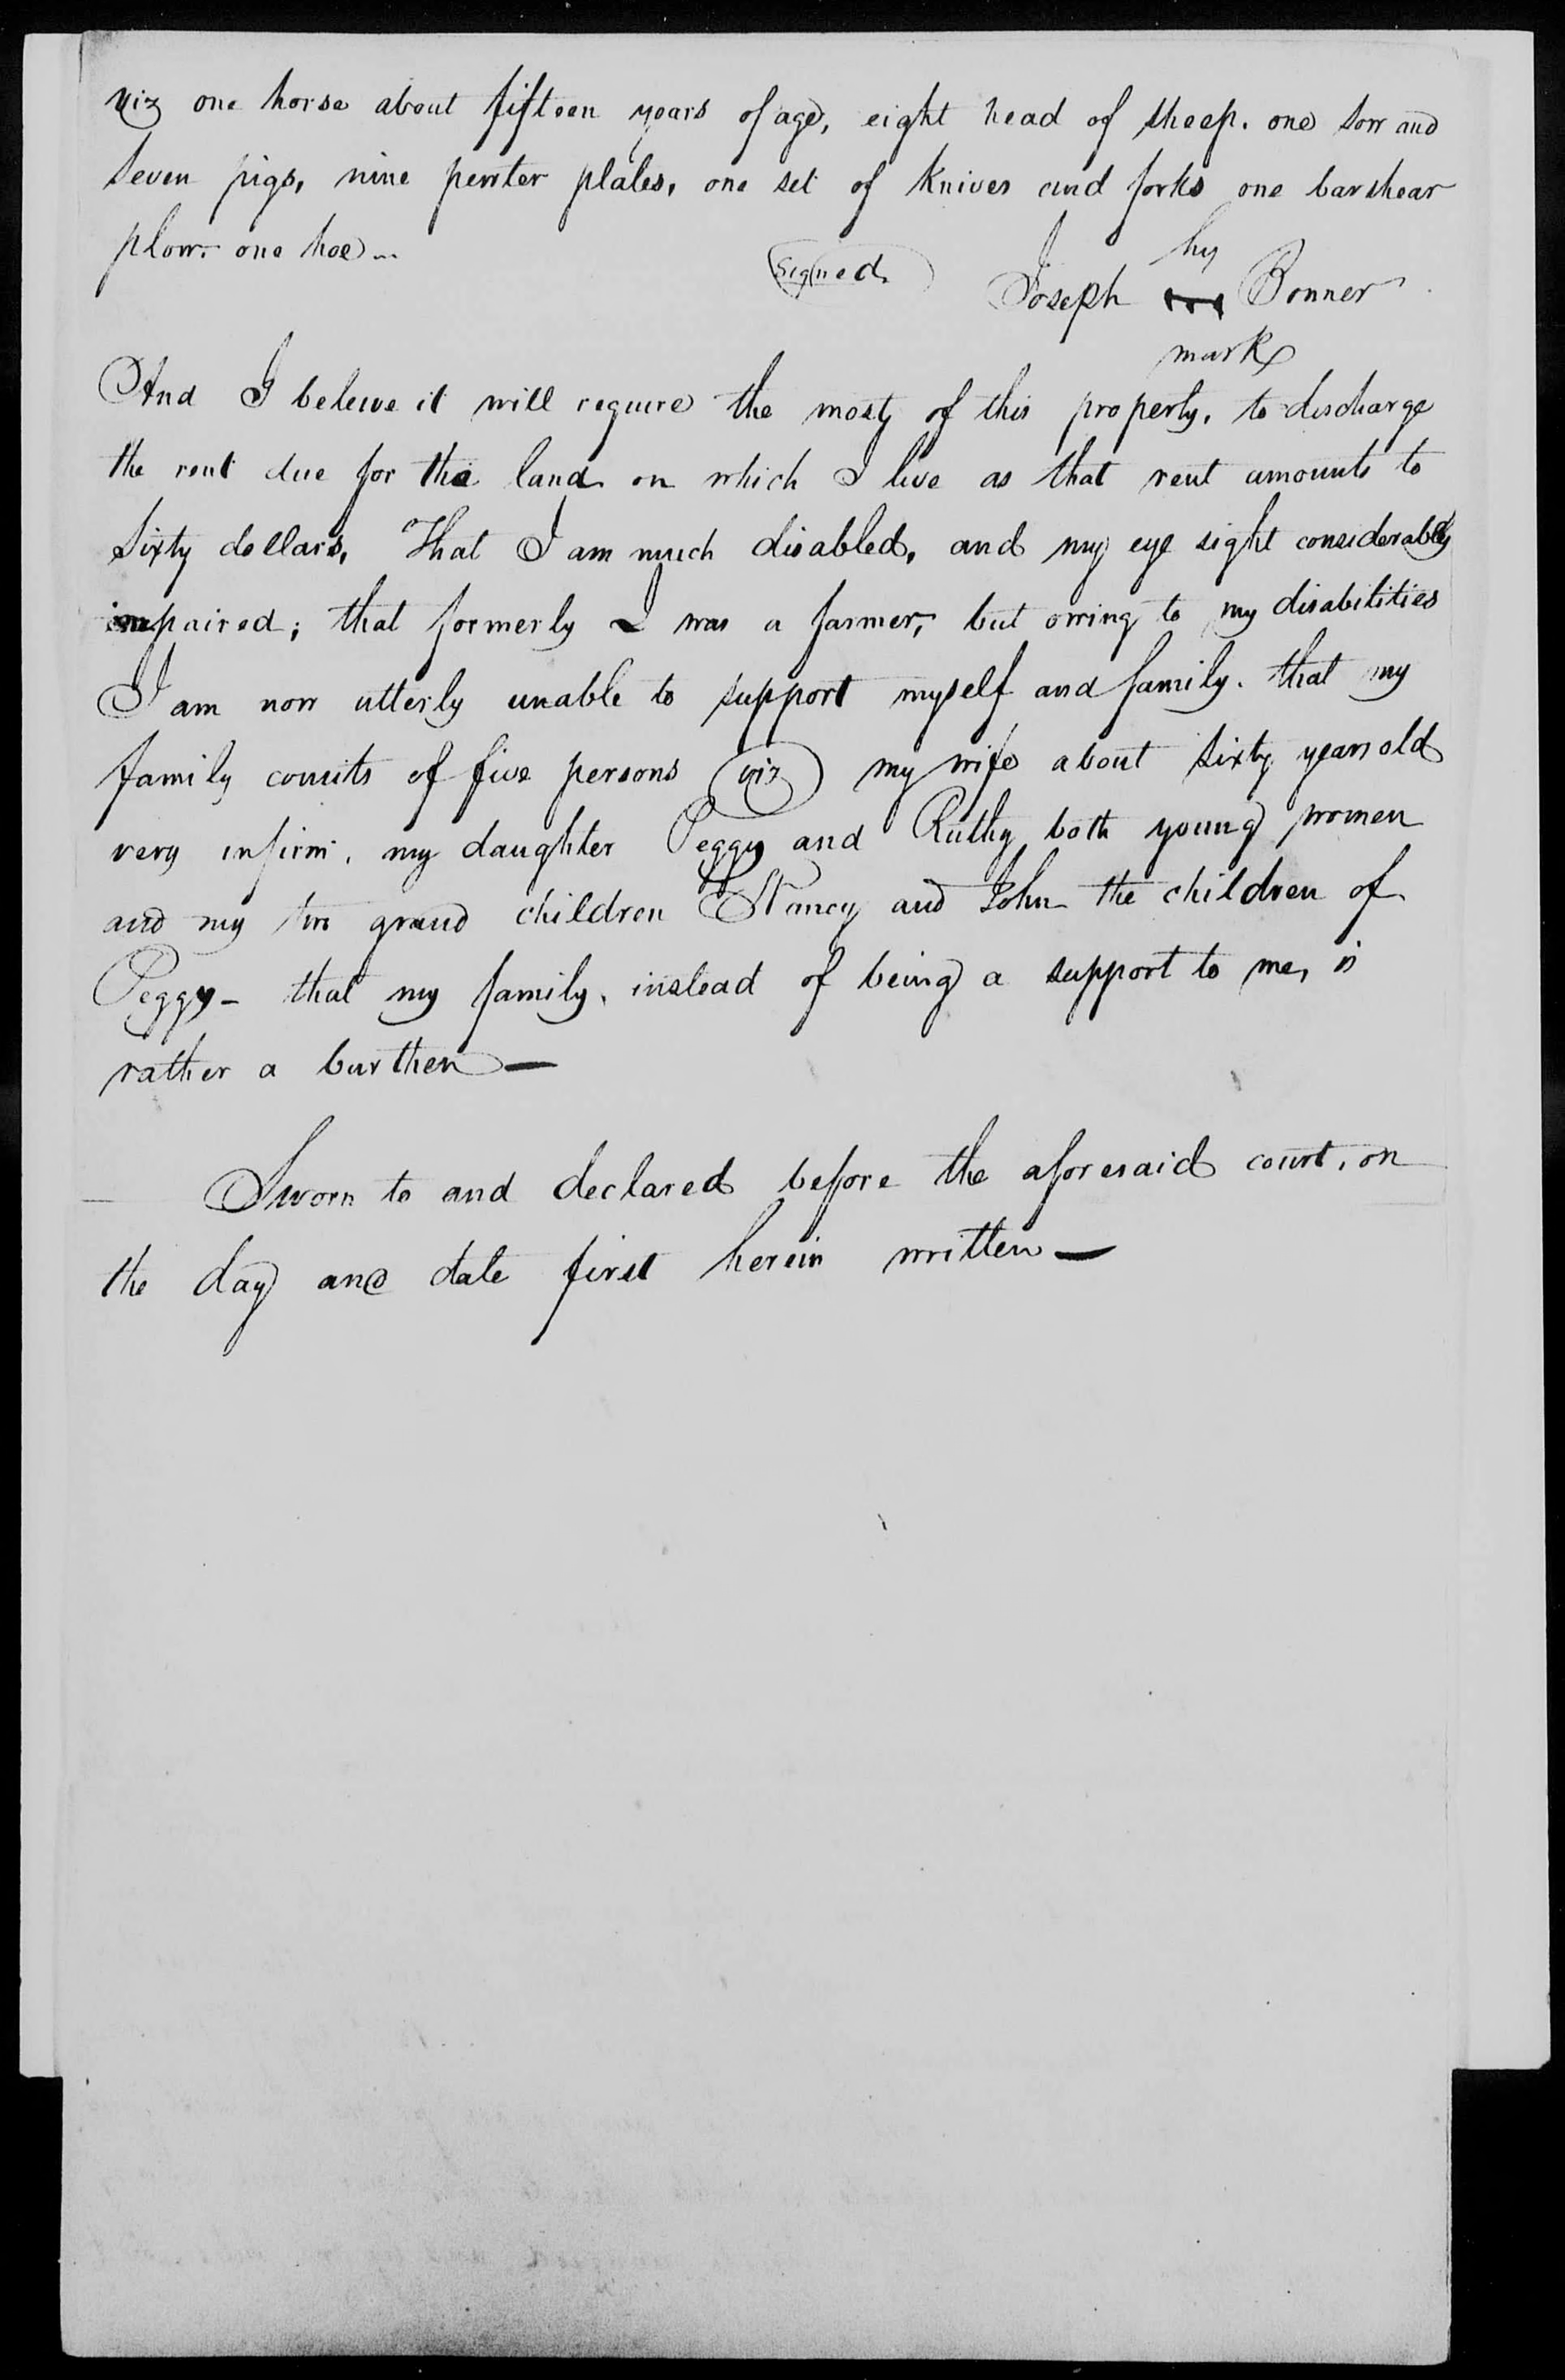viz one horse about fifteen years of age, eight head of sheep, one sow and seven pigs, nine pewter plates, one set of knives and forks one barshear plow one shoes. 
Signed Joseph Bonner
by mark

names: Peggy, John, Joseph Bonner, Nancy, Ruthy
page: 5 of 20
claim: survivor's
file: S. 40,021, Joseph Bonner, Penn.